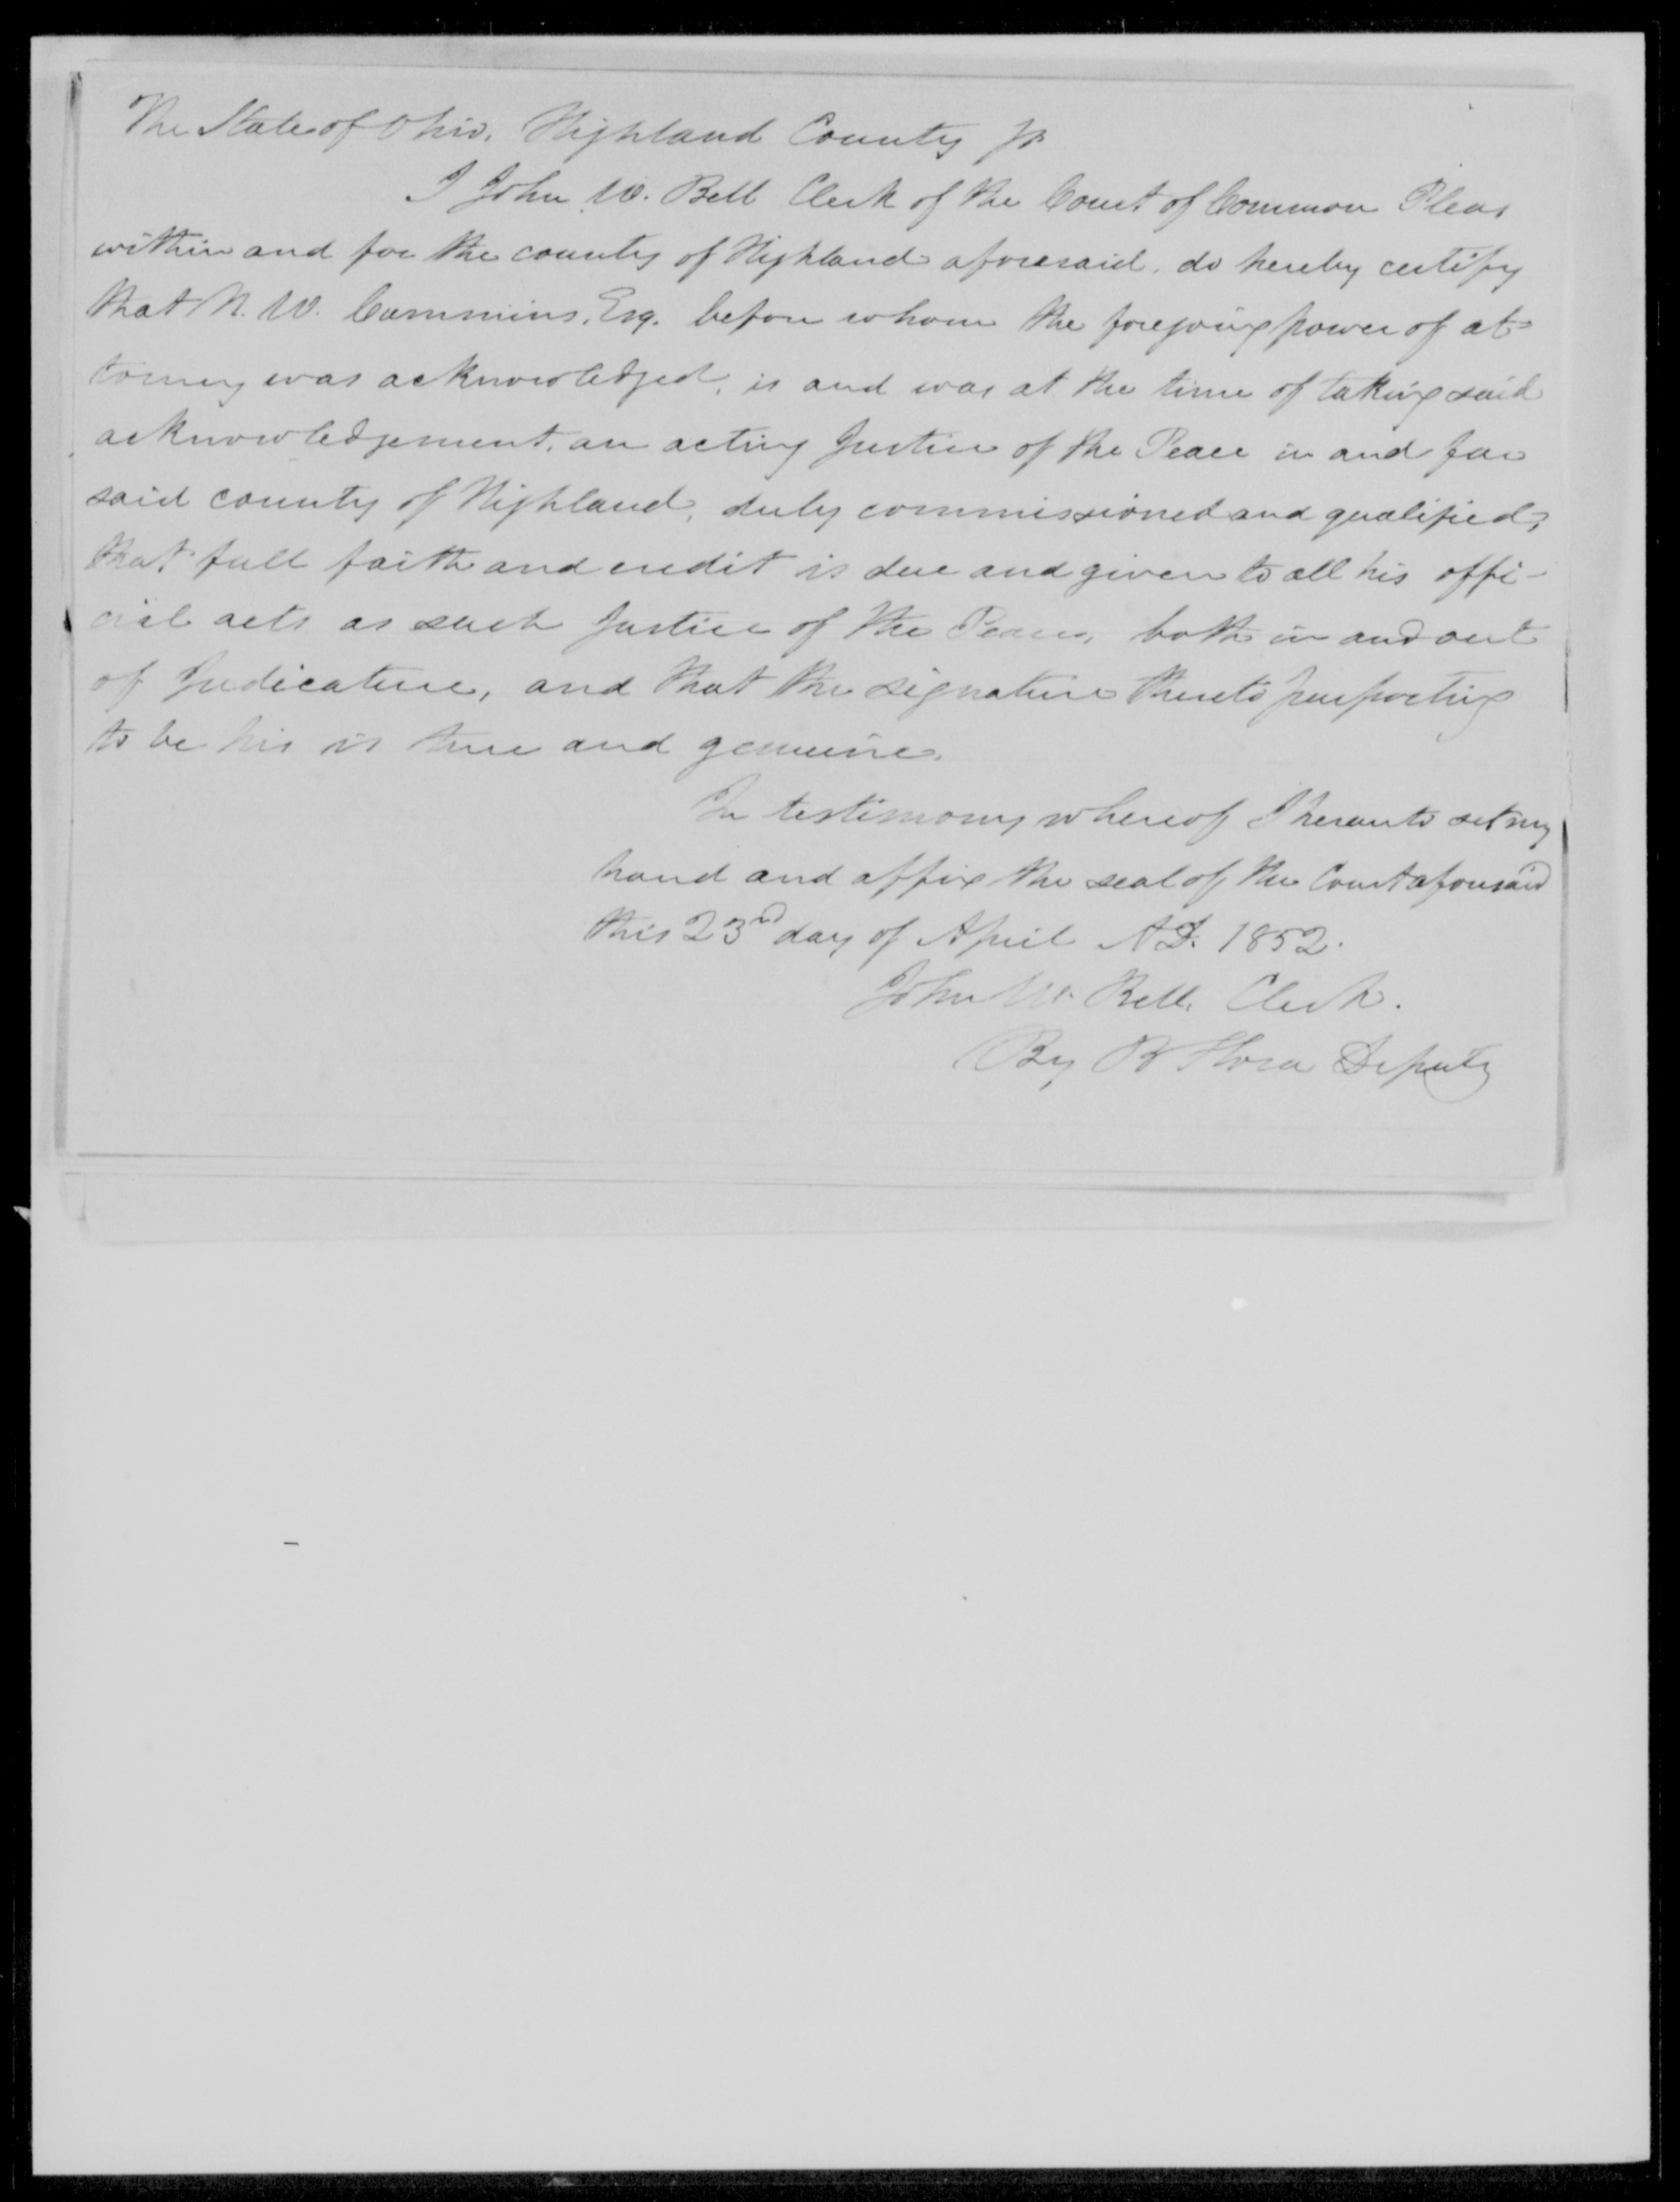The State of Ohio 
Highland County
I, John W. Bell, Clerk of the Court of Common Pleas within and for the County of Highland aforesaid, do hereby certify that N. W. Cummins, Esq. before whom the foregoing power of attorney was acknowledged, is and was at the time of taking said acknowledgement, an acting Justice of the Peace in and for said County of Highland, duly commissioned and qualified; that full faith and credit is due and given to all his official acts as such Justice of the Peace, both in and out of Judicature, and that the signature thereto purporting to be his is true and genuine.
In testimony whereof I hereunto set my hand and affix the seal of the Court aforesaid this 23rd day of April A.D. 1852.
John W. Bell, Clerk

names: B Shea, N W Cummins, John W Bell, John W Bell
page: 18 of 37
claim: rejected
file: R. 11047, David Walker, N.C.